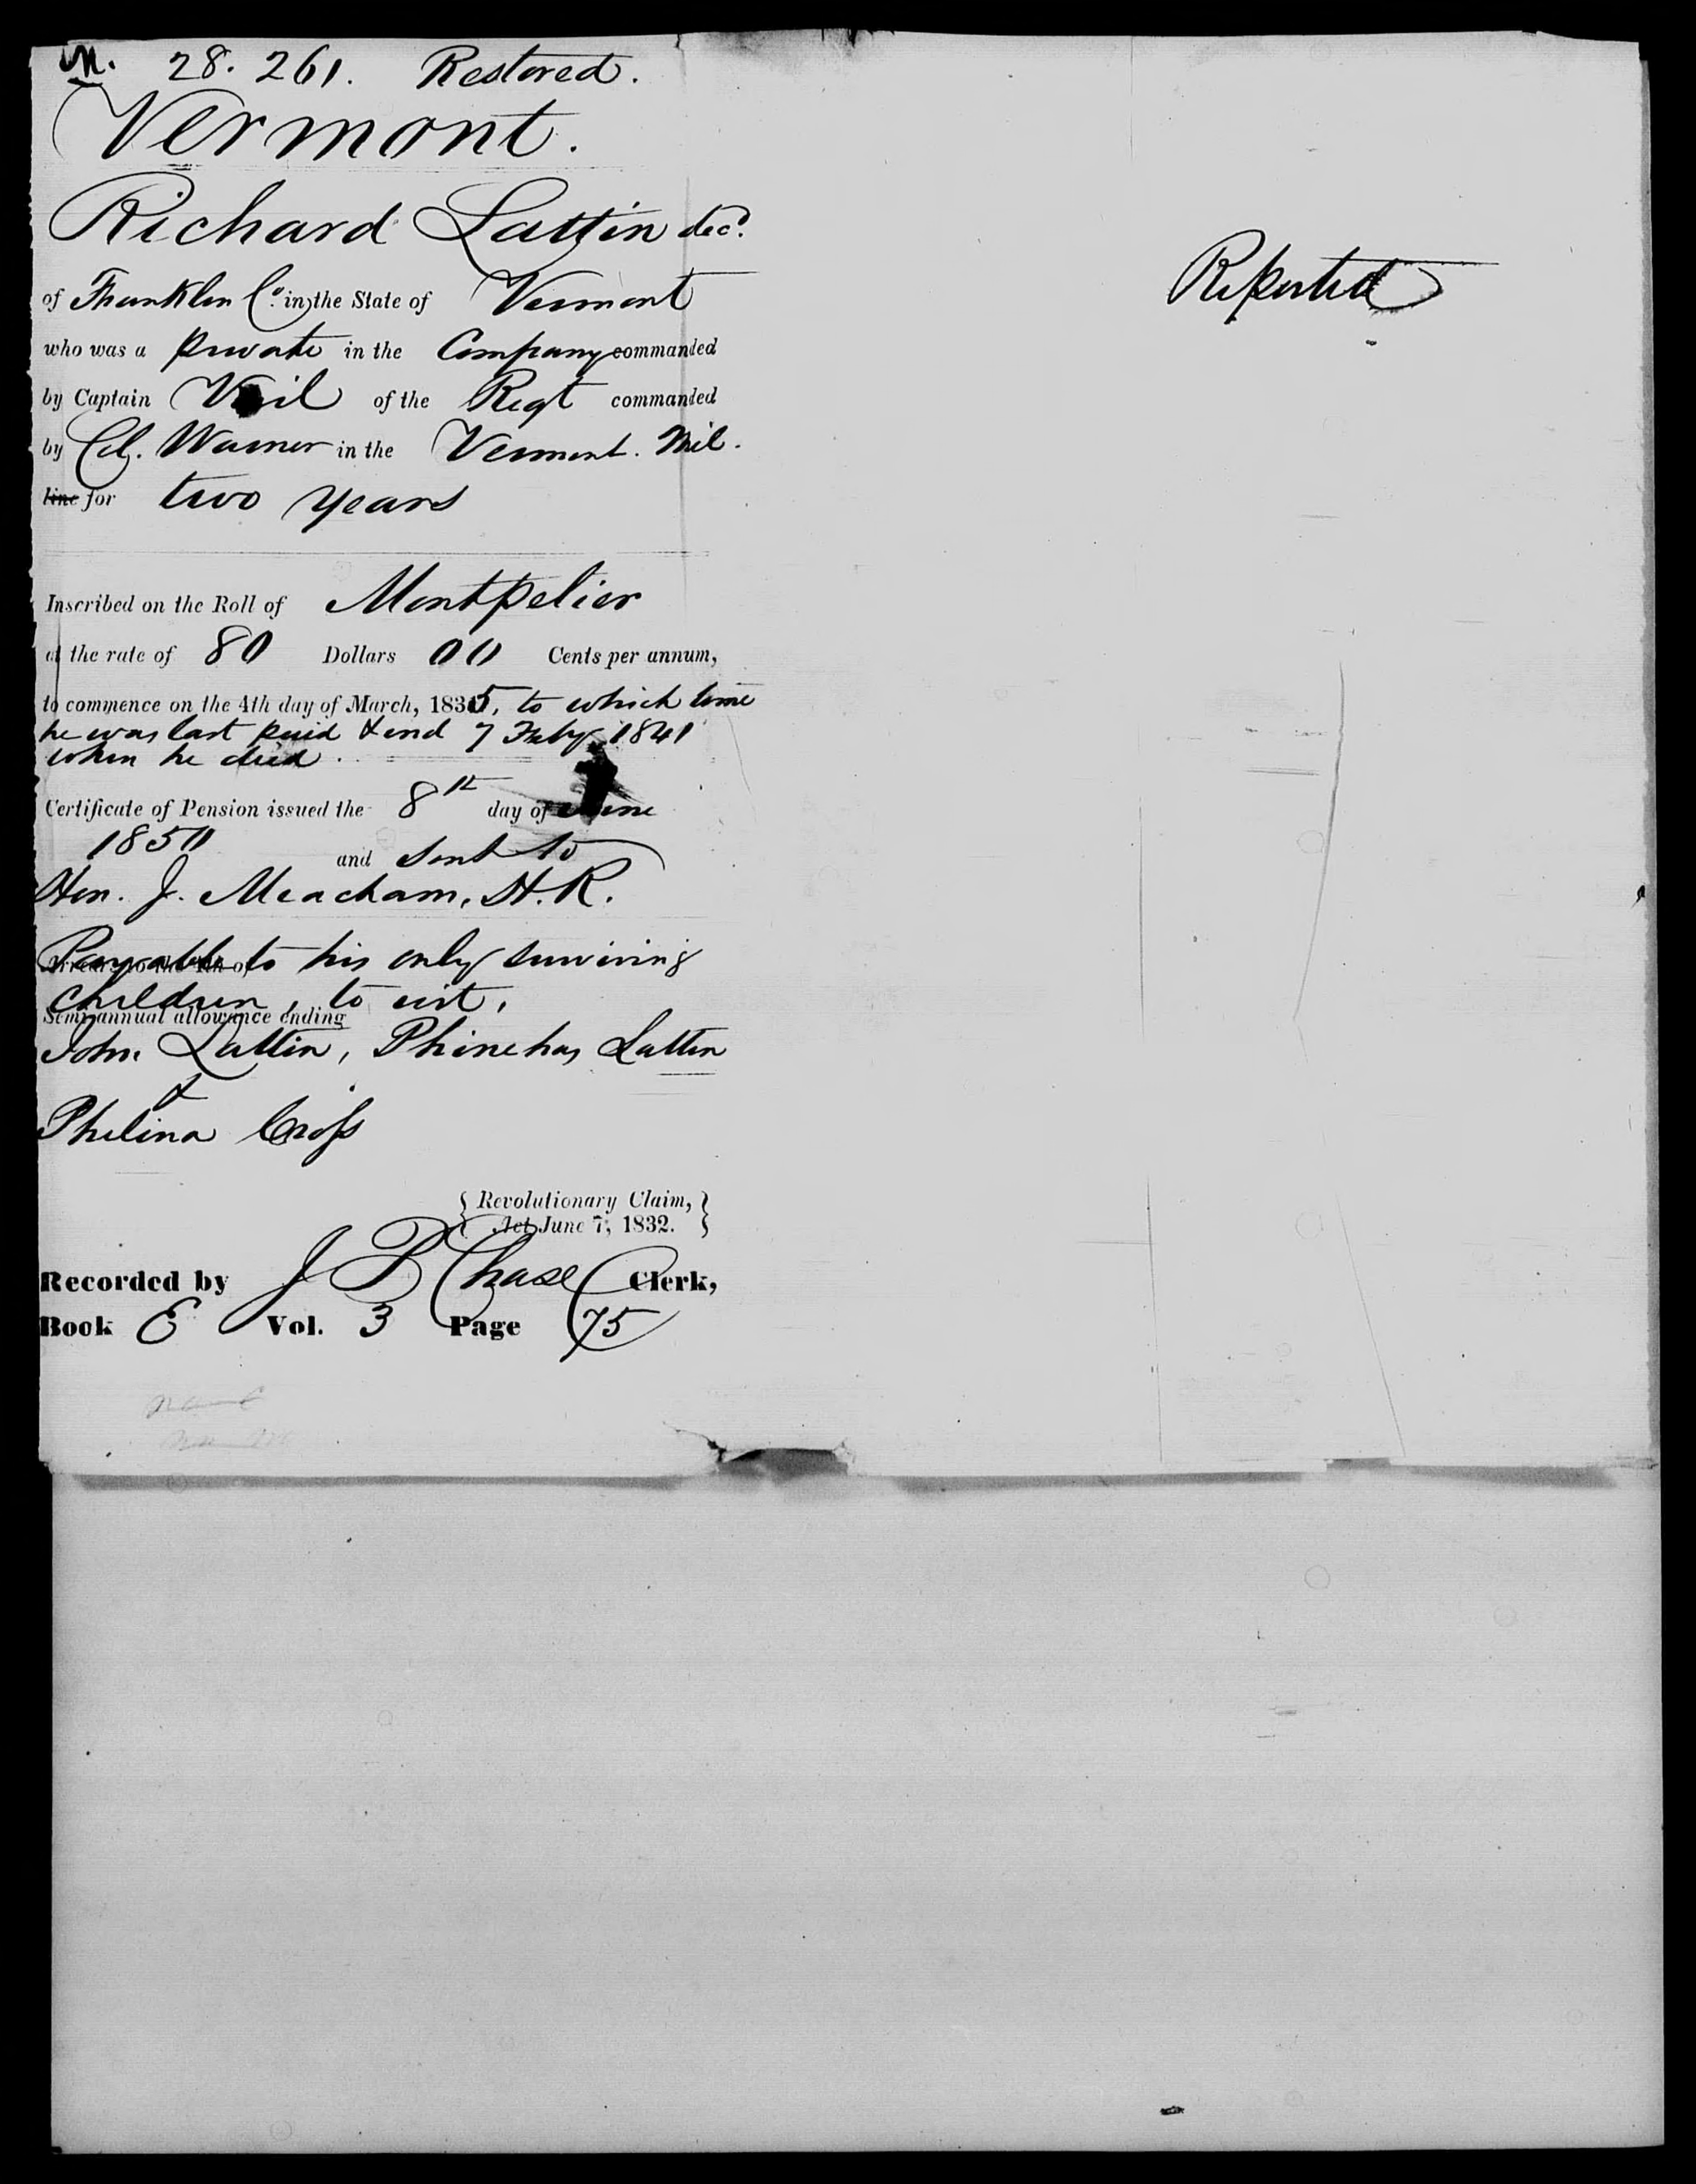[left side of document]

N. 28.261  Restored
Vermont
Richard Lattin decd
of Franklin Co in the State of Vermont who was a private in the Company commanded by Captain Vail of the Regt commanded by Col. Warner in the Vermont Mil. [deleted word] for two years

Inscribed on the Roll of Montpelier at the rate of 80 Dollars 00 Cents per annum, to commence on the 4th day of March, 1835, to which time he was last paid & end 7 Feby 1841 when he died

Certificate of Pension issued the 8th day of June 1850 and Sent to Hon. J. Meacham, H.R. 
[words on form covered over] Payable to his only surviving children, to wit, John Lattin, Phinehas Lattin & Phelina Cross
Semi-annual allowance ending 

{Revolutionary Claim,}
{Act, June 7, 1932.     }

Recorded by J P Chase Clerk,
Book E Vol. 3 Page 75

[illegible, very dim words at bottom which have been possibly deleted]

[right side of document]

Reported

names: John Lattin; J Meacham; Phelina Cross; [BLANK] Vail; J P Chase; [BLANK] Warner; Phinehas Lattin; Richard Lattin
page: 96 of 99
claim: widow's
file: W. 24,482, for Richard Lattin, Vermont